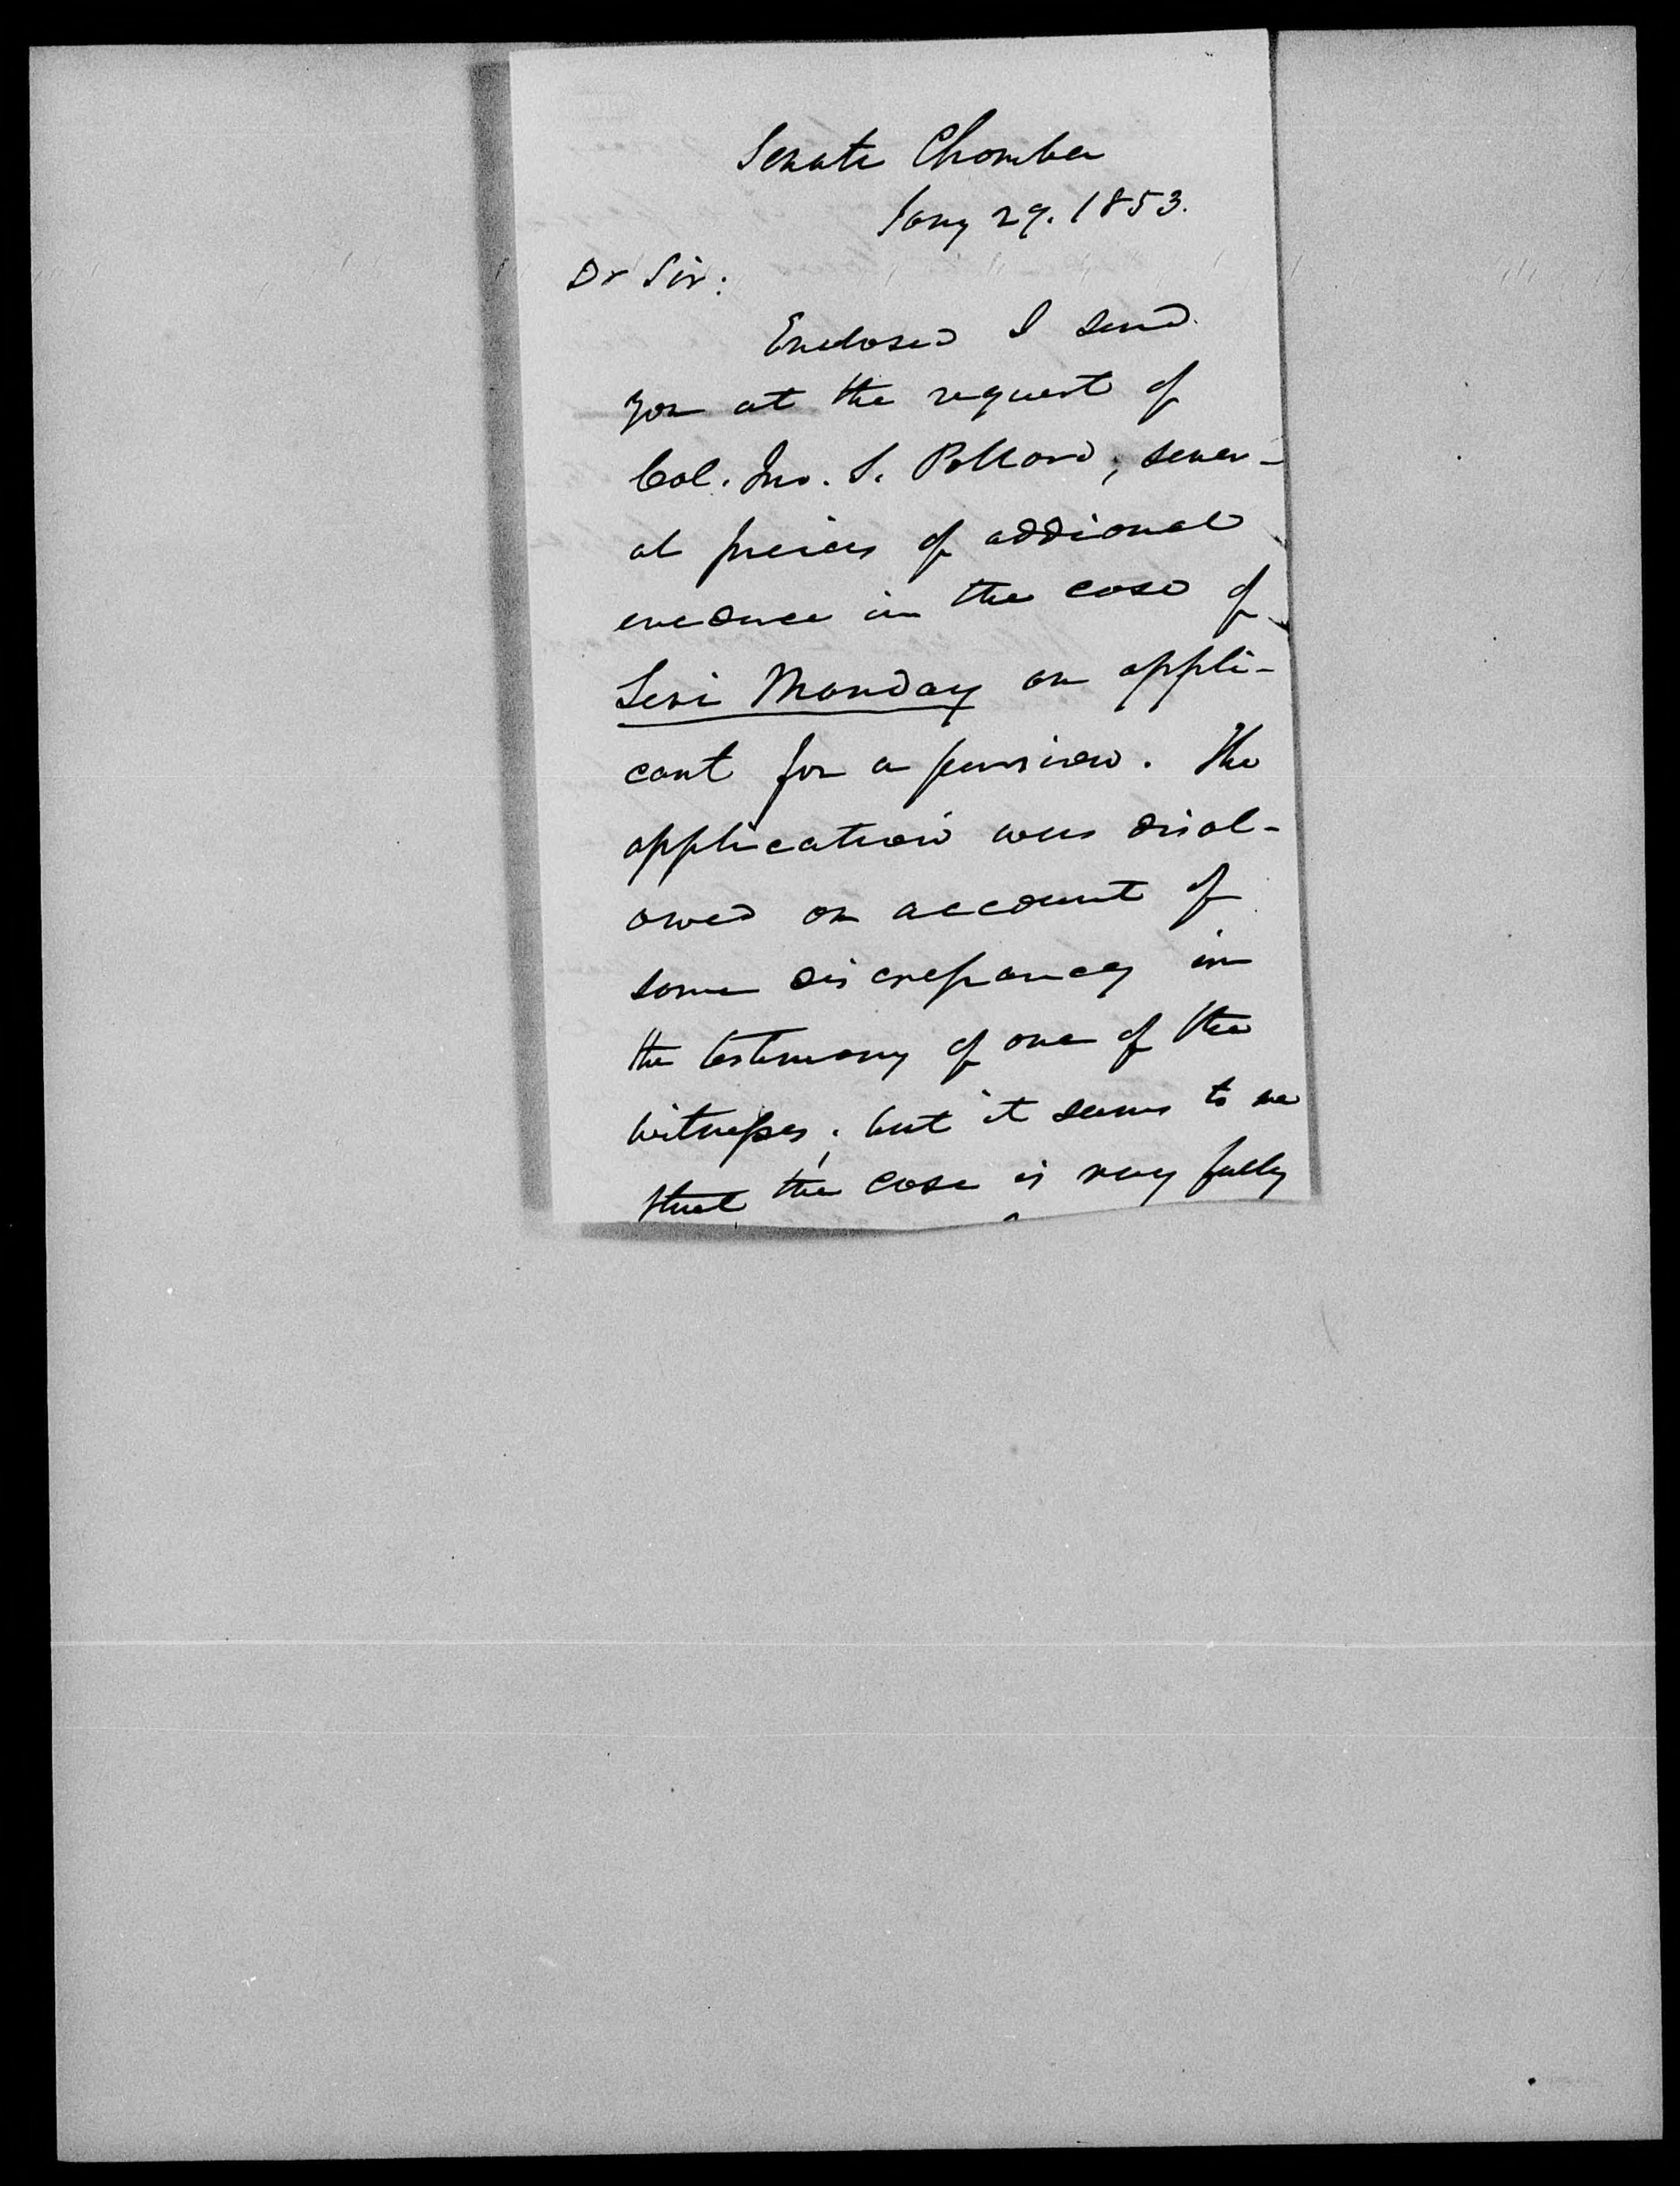Senate Chamber
Jan. 29, 1853

Dr Sir:

Enclosed I send you at the request of Col. Jno. S. Pollard several pieces of additional evidence in the case of Levi Monday, an applicant for a pension. The application was disallowed on account of some discrepancy in the testimony of one of the witnesses; but it seems to be that the case is very fully...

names: Levi Monday; Jno S Pollard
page: 45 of 95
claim: survivor's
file: S 2889, for Levi Mundy, New Jersey